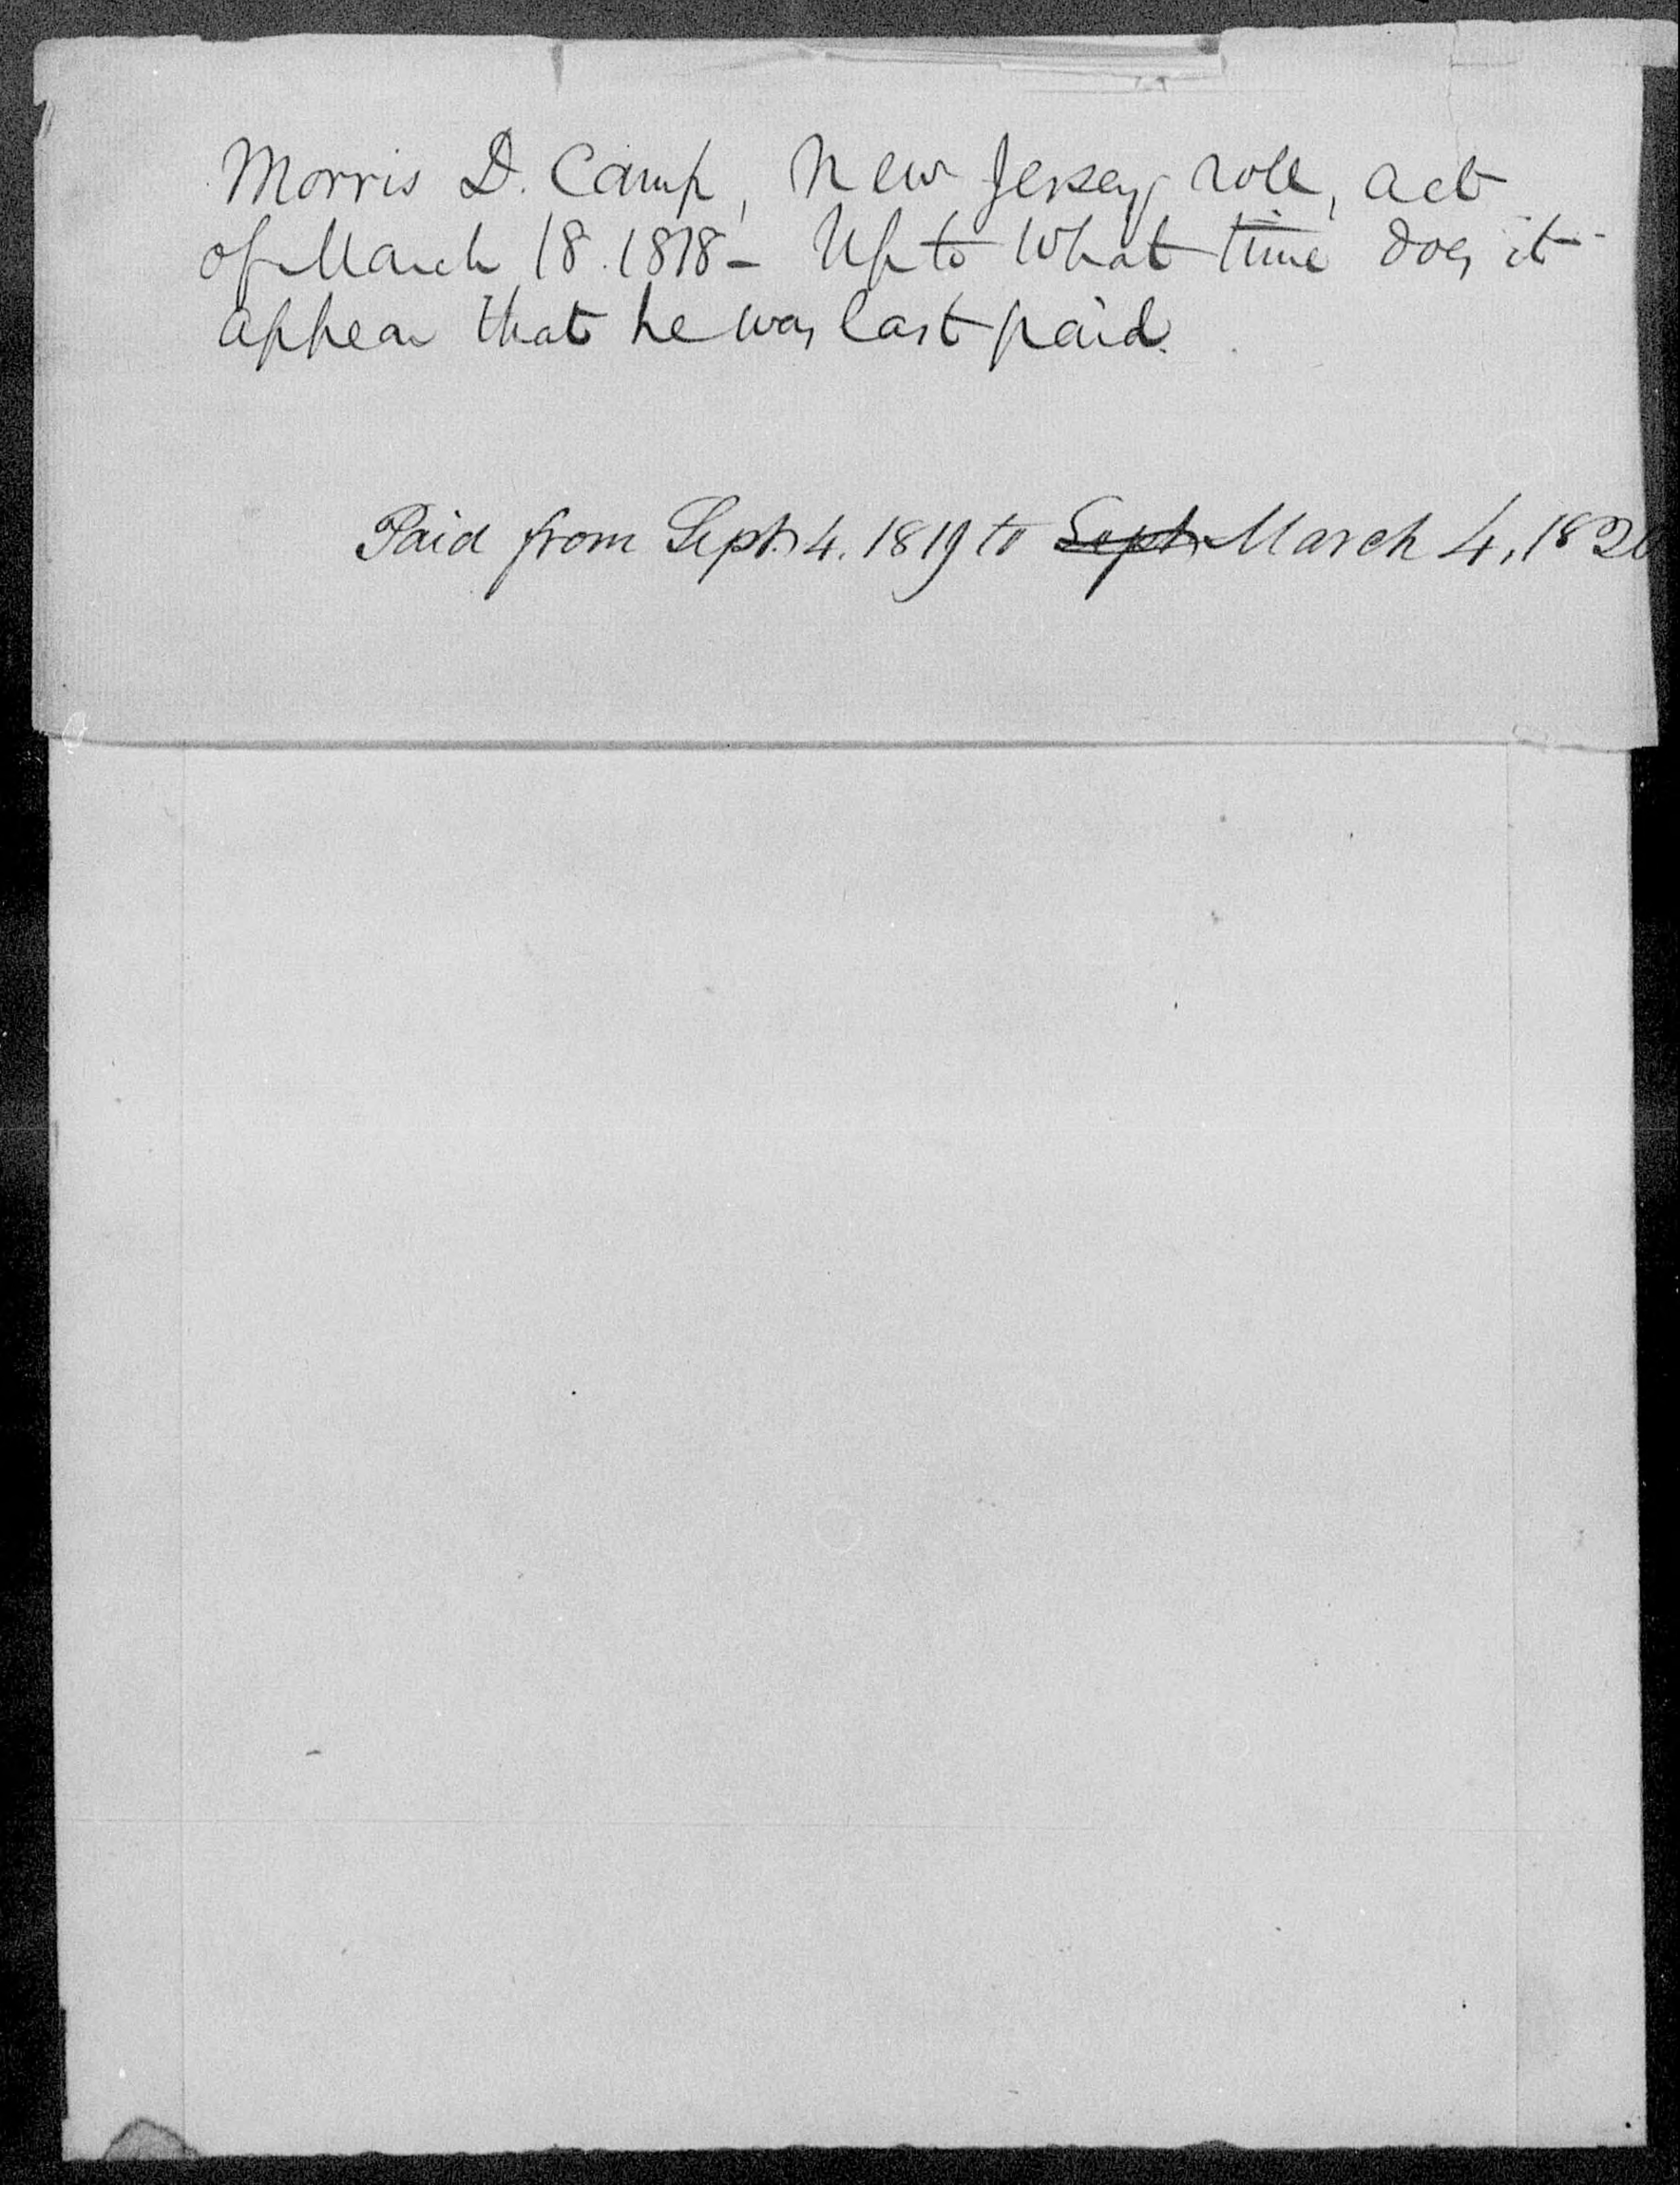Morris D. Camp, New Jersey, roll, act of March 18, 1818 - up to what time does it appear that he was last paid
Paid from Sept. 4 1819 to March 4, 1820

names: Morris D Camp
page: 22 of 52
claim: survivor's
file: S. 34172, Morris D Camp, Continental (New Jersey)